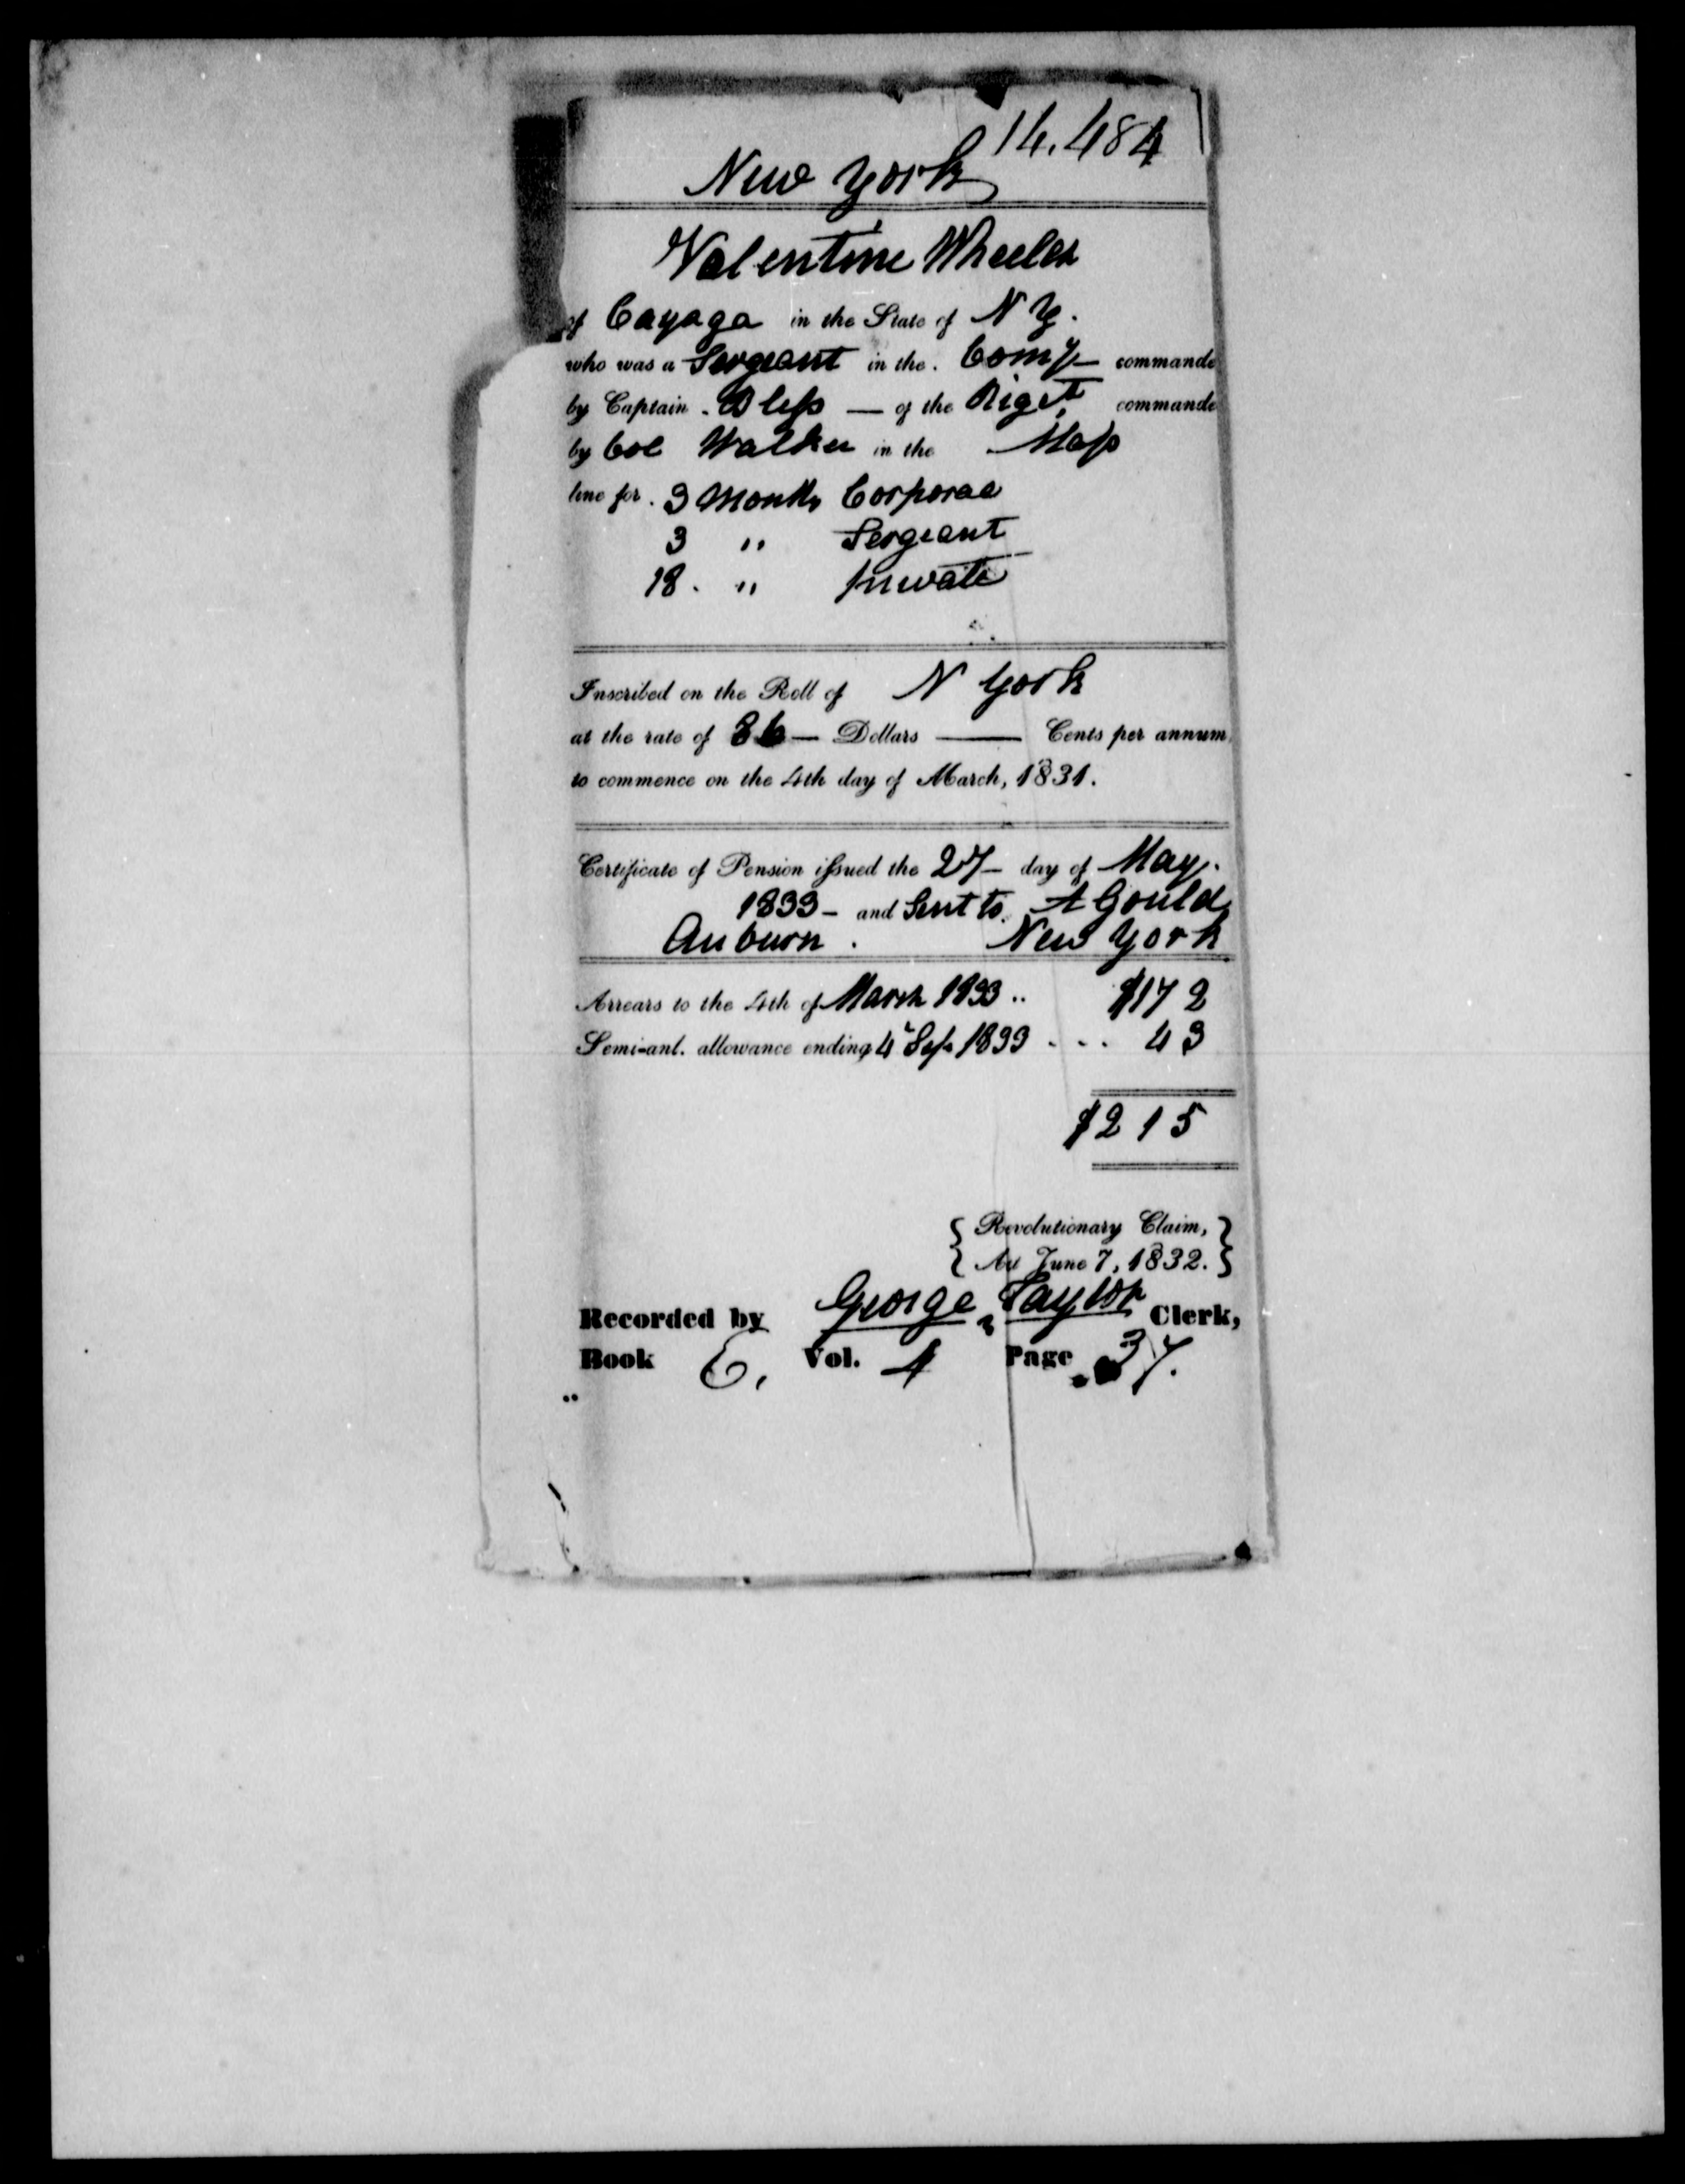14,484
New York
Valentine Wheeler
of Cayuga in the State of N. Y. who was a Sergeant in the Comp. commanded by Captain Bliss of the Regt. commanded by Col. Walker in the Mass. line for 
3 months Corporal
3 months Sergeant
18 months private
Inscribed on the Roll of N. York at the rate of 86 Dollars .......Cents per annum to commence on the 4th day of March 1831
Certificate of pension issued the 27 day of May 1833 and sent to A. Gould Auburn, New York
Arrears to the 4th March 1833  $178.
Semi-anl. allowance ending 4 Sept. 1833  43.
$215.

{Revolutionary Claim,
Act June 7, 1832}
Recorded by George Taylor, Clerk
Book E. Vol. 4, page 37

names: Valentine Wheeler, Bliss, A Gould, George Taylor, Walker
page: 41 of 98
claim: widow's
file: W. 1682, Valentine Wheeler, Mass.